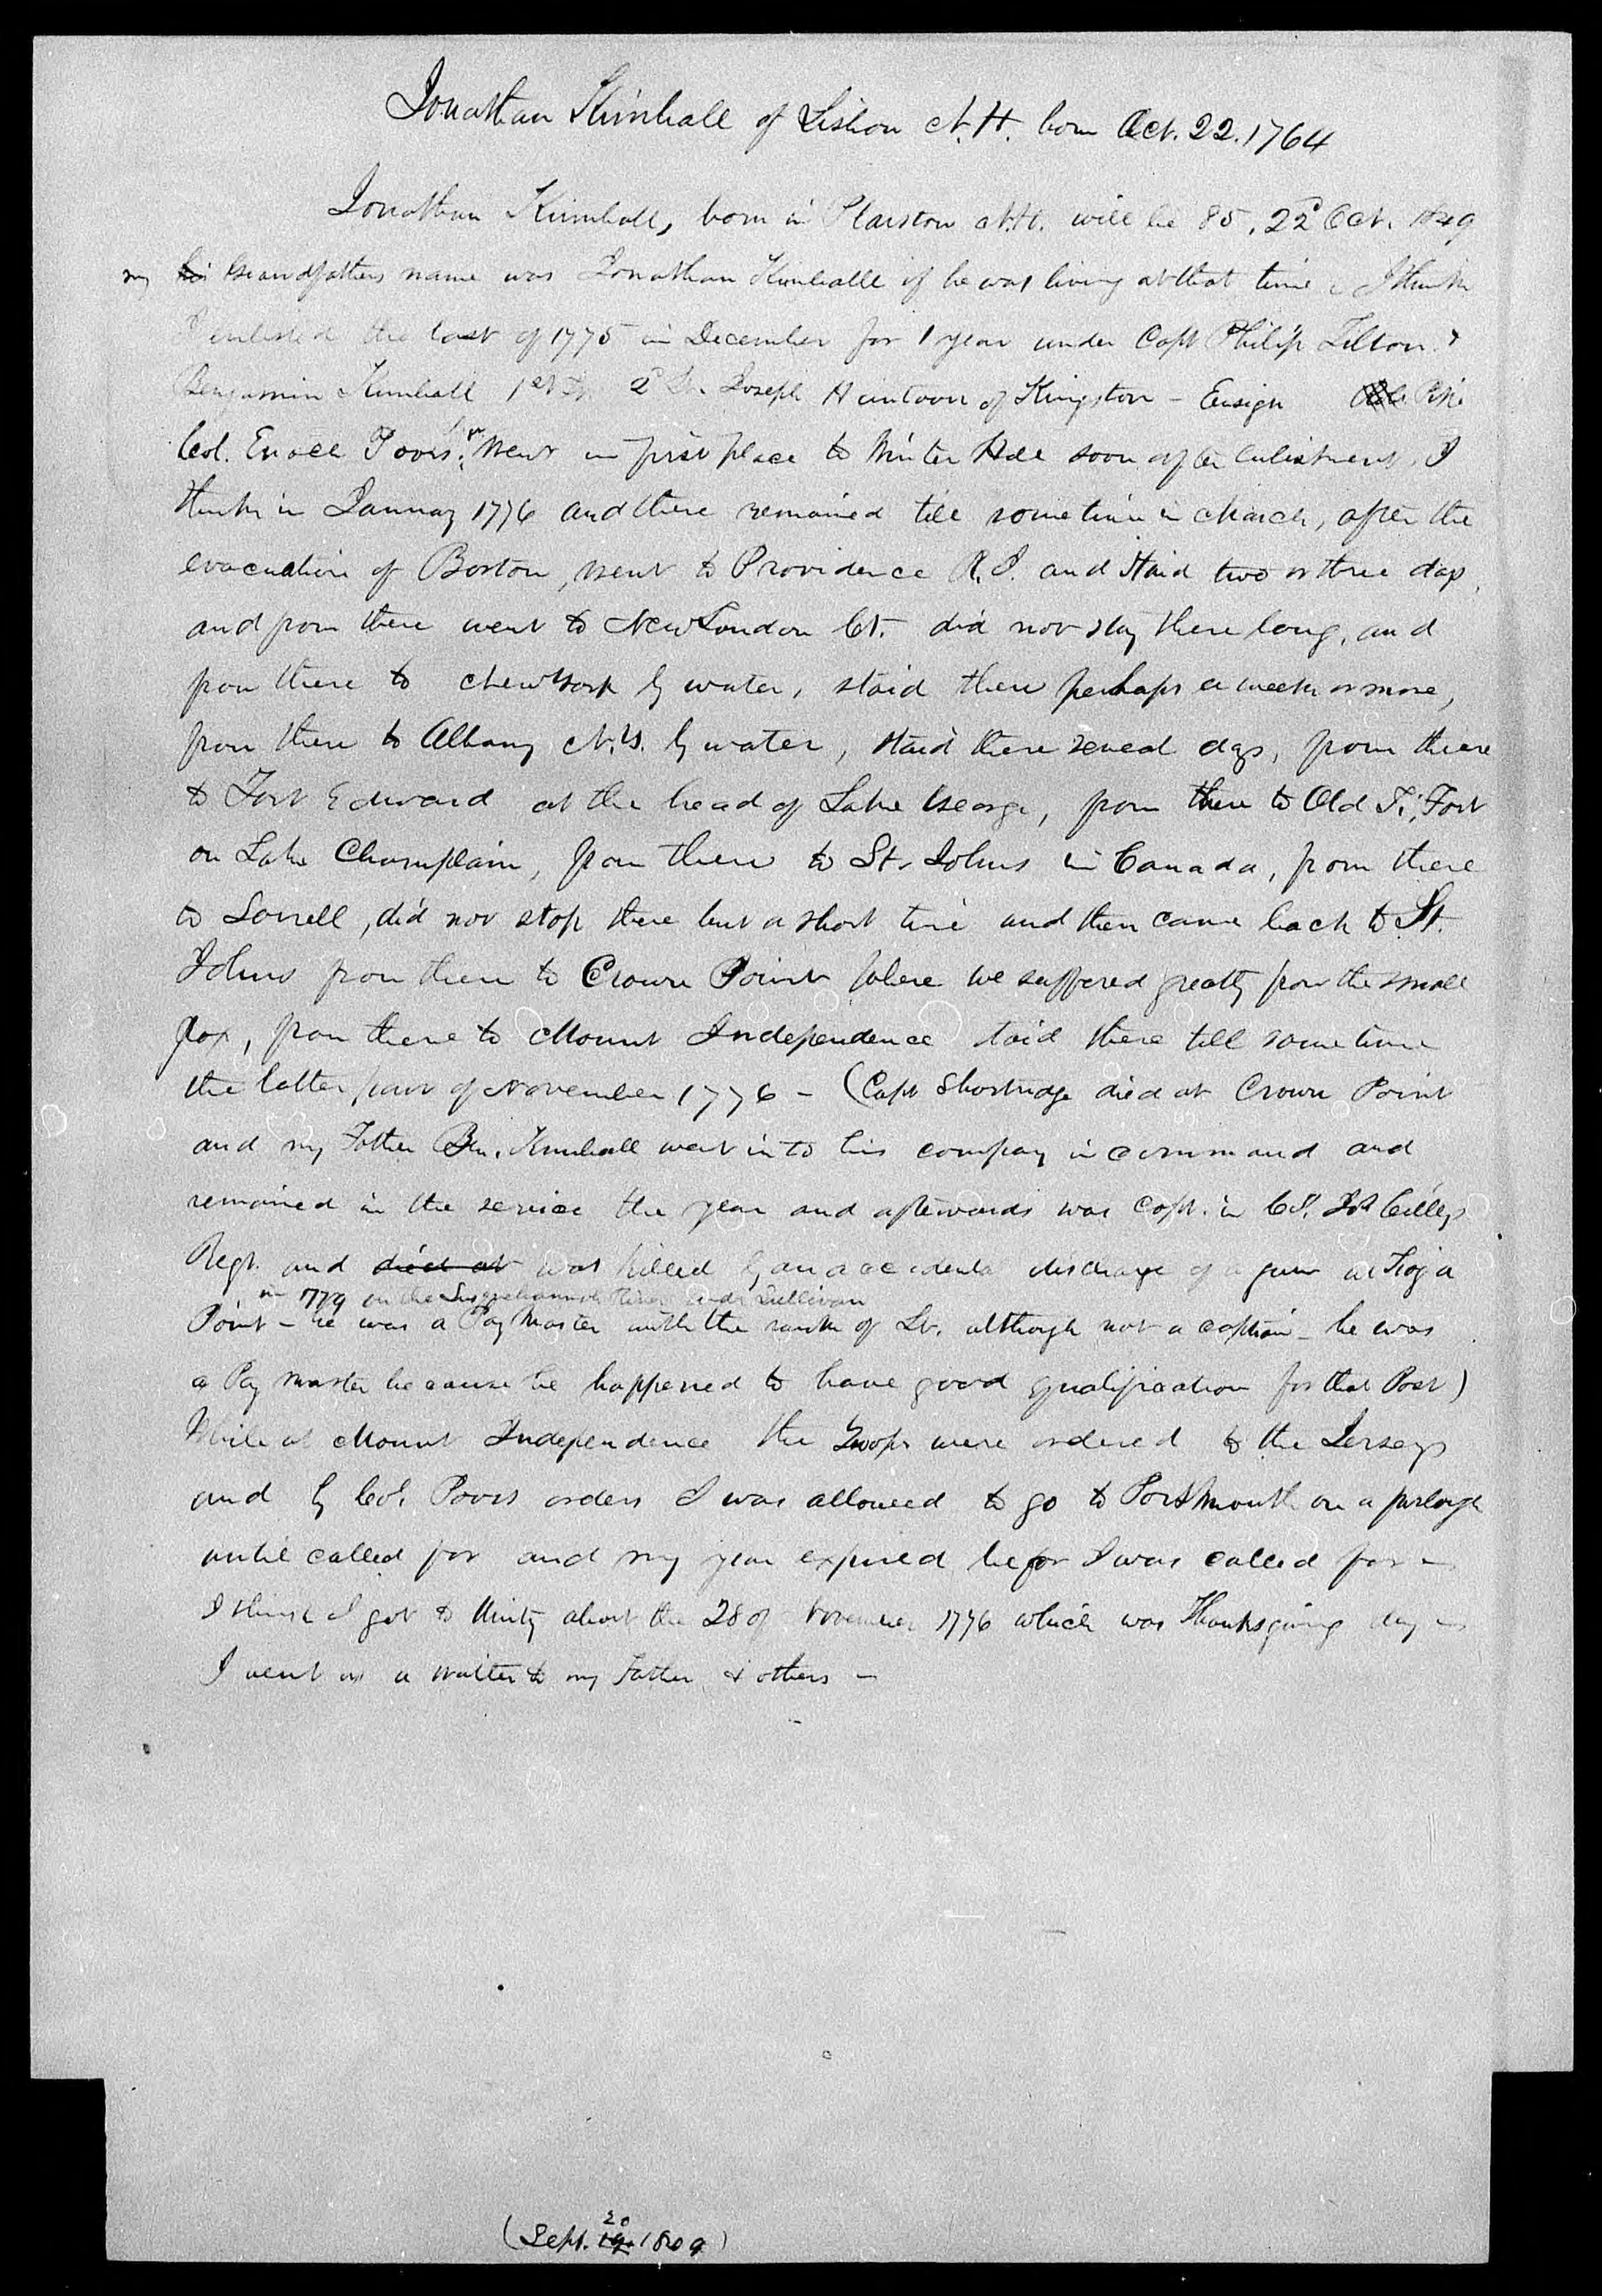Jonathan Kimball of Lisbon N.H. born Oct. 22. 1764
Jonathan Kimball, born in Plaistow N.H. will be 85, 22d Oct. 1849 my Grandfathers [sic] name was Jonathan Kimball if he was living at that time, I think I enlisted the last of 1775 in December for 1 year under Capt. Philip Tilton & Benjamin Kimball 1st  2nd Sr. Joseph Huntoon of Kingston - Ensign in Col. Enoch Poors [sic] regiment in first place to Winter Hill soon after enlisted, I think in January 1776 and there remained till sometime in March, after the evacuation of Boston, went to Providence R.I. and staid [sic] two or three days and from there went to New London Ct. did not say there long, and from there to New York Stillwater, staid [sic] there perhaps a week or more, from there to Albany N.Y. Stillwater, staid [sic] there several days, from there to Fort Edward at the head of Lake George, from there to Old F. Fort on Lake Champlain, from there to St. Johns in Canada, from there to Lowell, did not stop there but a short time and then came back to St. Johns from there to Crown Point where we suffered greatly from the small pox [sic] from there to Mount Independence and staid [sic] there till sometime the latter part of November 1776 - (Capt. Shortridge died at Crown Point and my Father Benj. [BENJAMIN] Kimball went into his company in command and remained in the service the year and afterwards was Capt. in Col. JS Cilley's Regt and  was killed by an accidental discharge of a gun in Tioga in 1779 on the Susquehanna River and Sullivan Point-- he was a Pay Master with the rank of Lt. although not a captain-- he was a Pay master because he happened to have good qualification for that Post) While at Mount Independence the troops were ordered to the Jersey and by Col Poors [sic] orders I was allowed to go to Portsmouth on a furlough until called for and my year expired before I was called for - I think I got to Unity about the 28 of November 1776 which was thanksgiving day - I went in as a waiter to my father & others-

(Sept. 20 1809)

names: Philip Tilton; Benjamin Kimball; Jonathan Kimball; [BLANK] Shortridge; Joseph Huntoon; Enoch Poors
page: 3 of 14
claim: rejected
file: R 5922, for Jonathan Kimball, New Hampshire